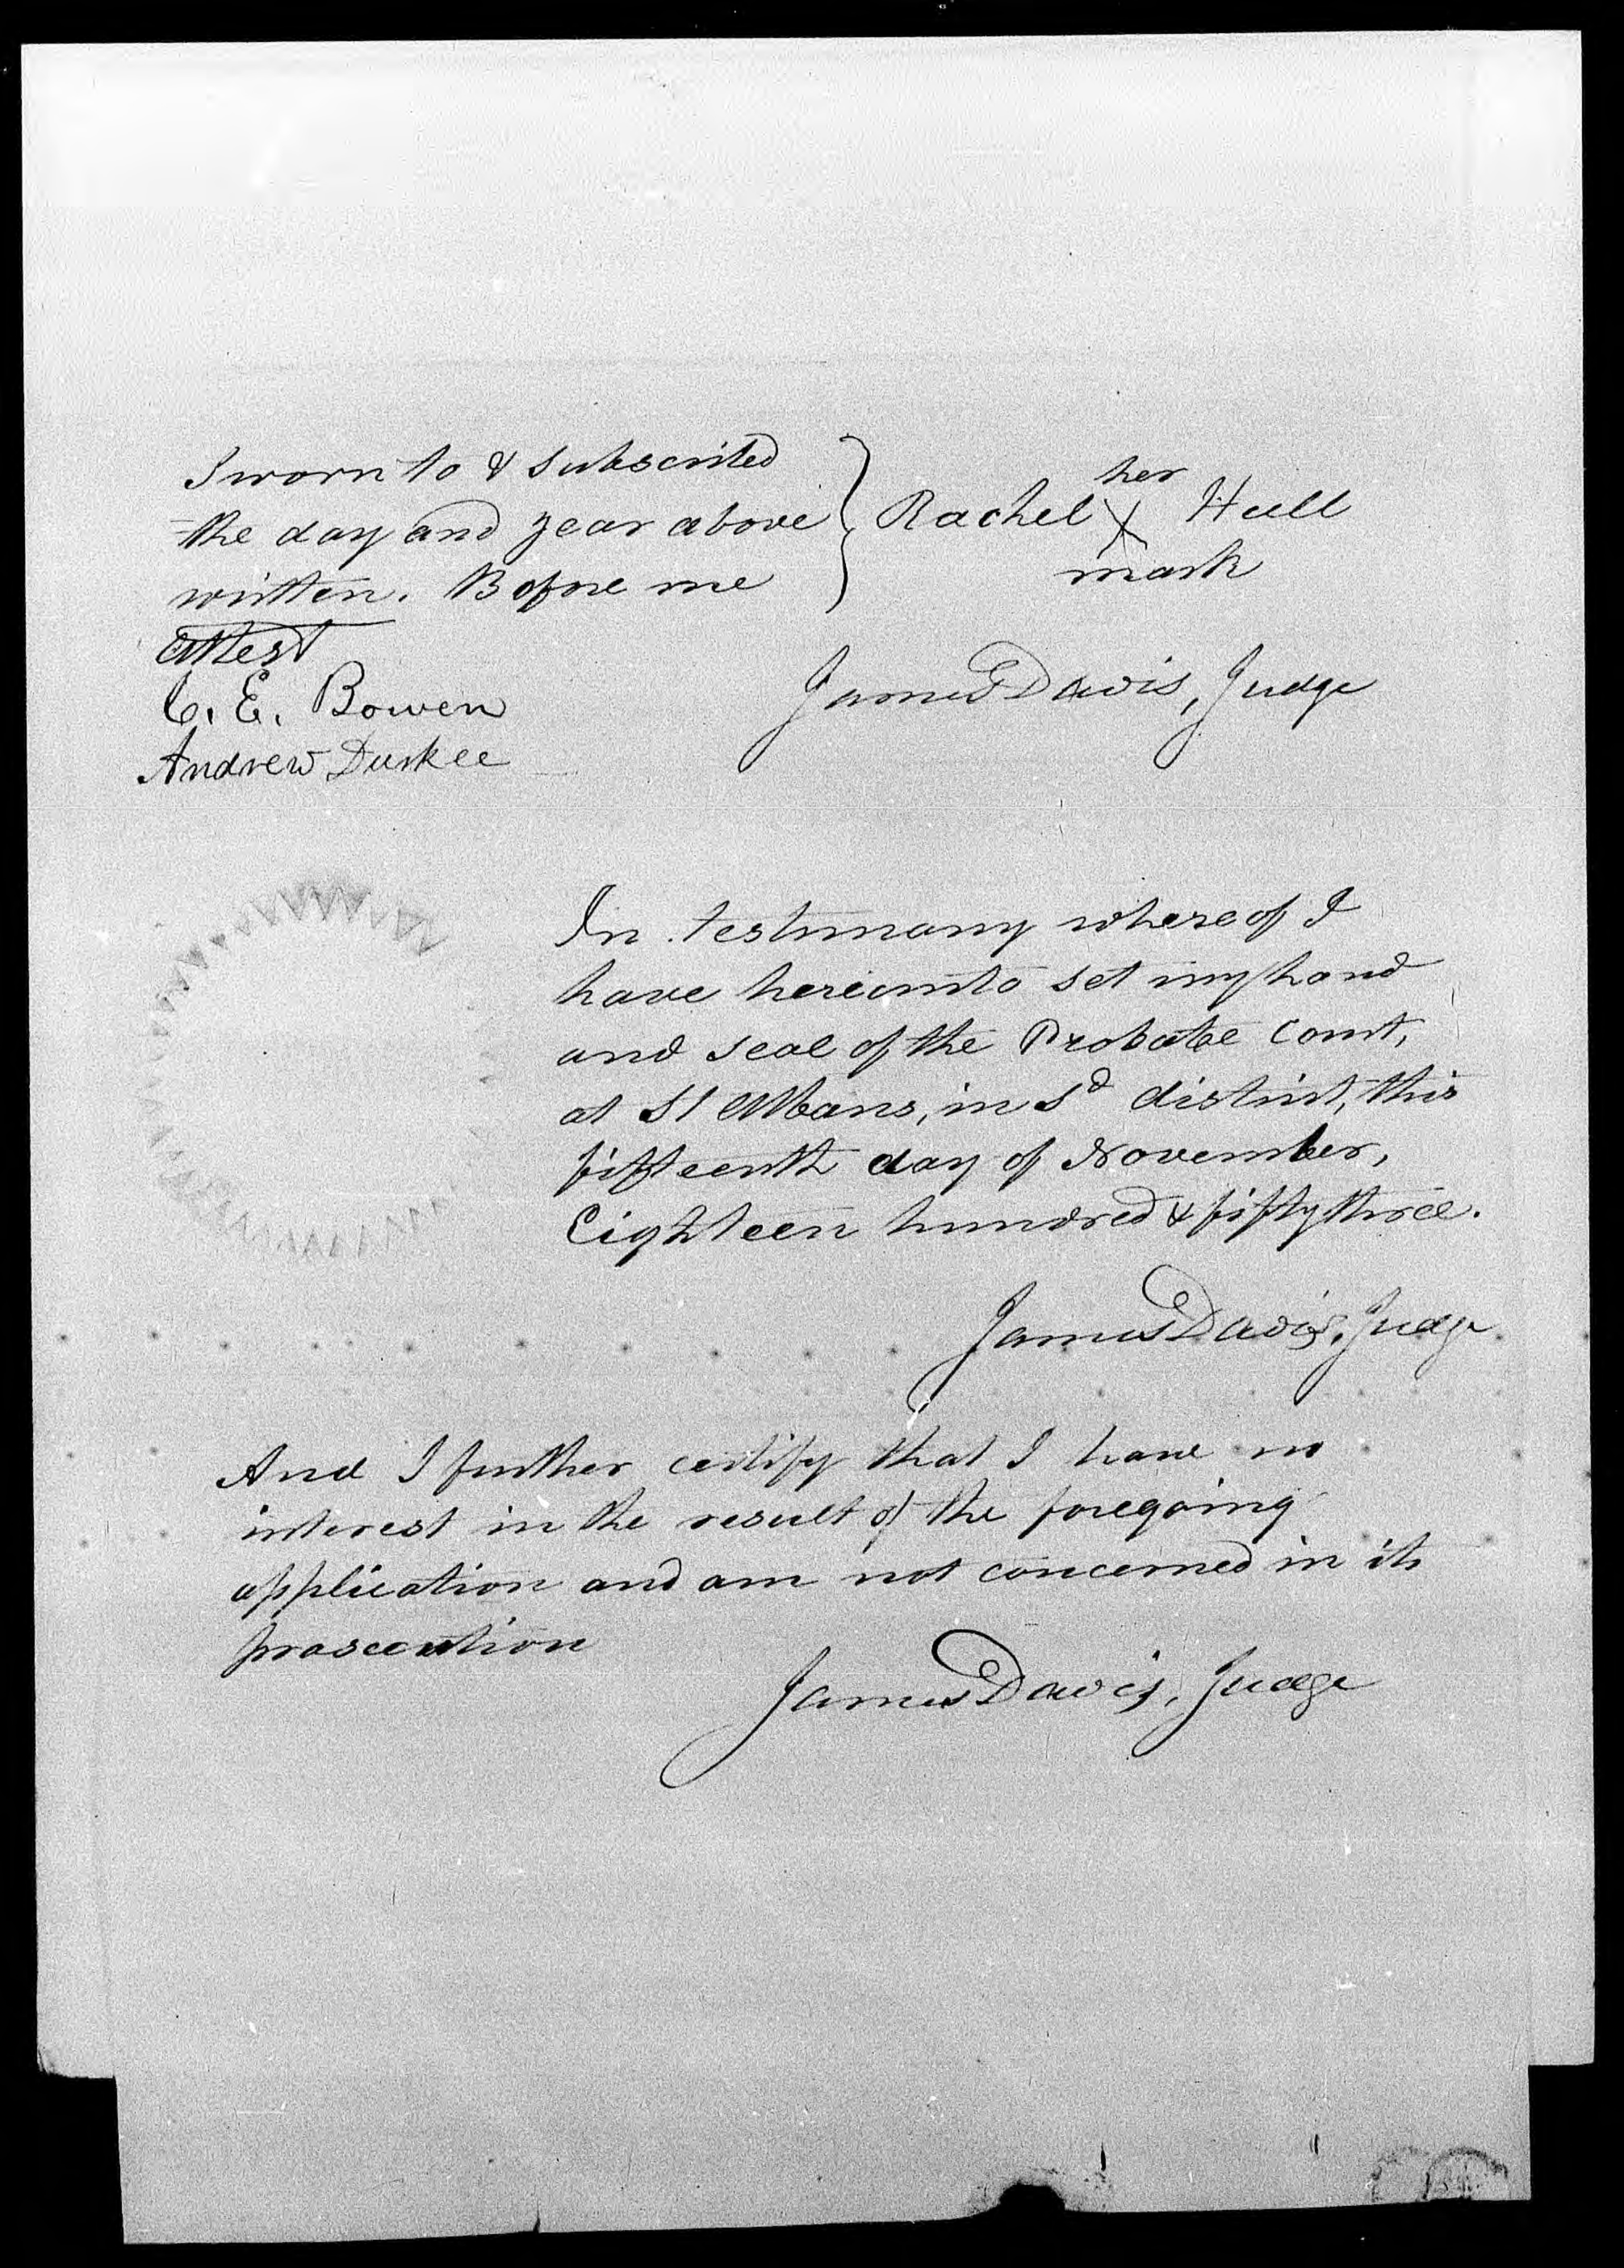Sworn to & Subscribed SS
the day and year above SS
written, Before me  SS
attest Rachael (her mark) X Hull
C.E. Bowen
Andrew Durkee
James Davis, Judge

In testimony whereof I have hereunto set my hand and seal of the Probate Court, at St Albans, in 5d district, this fifteenth day of November, Eighteen hundred & fifty three. 
James Davis, Judge

And I further certify that I have no interest in the result of the foregoing application and am not concerned in the prosecution.

James Davis, Judge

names: James Davis, Rachel Hull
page: 13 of 58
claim: widow's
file: W. 25813, Jehiel Hull, Conn.